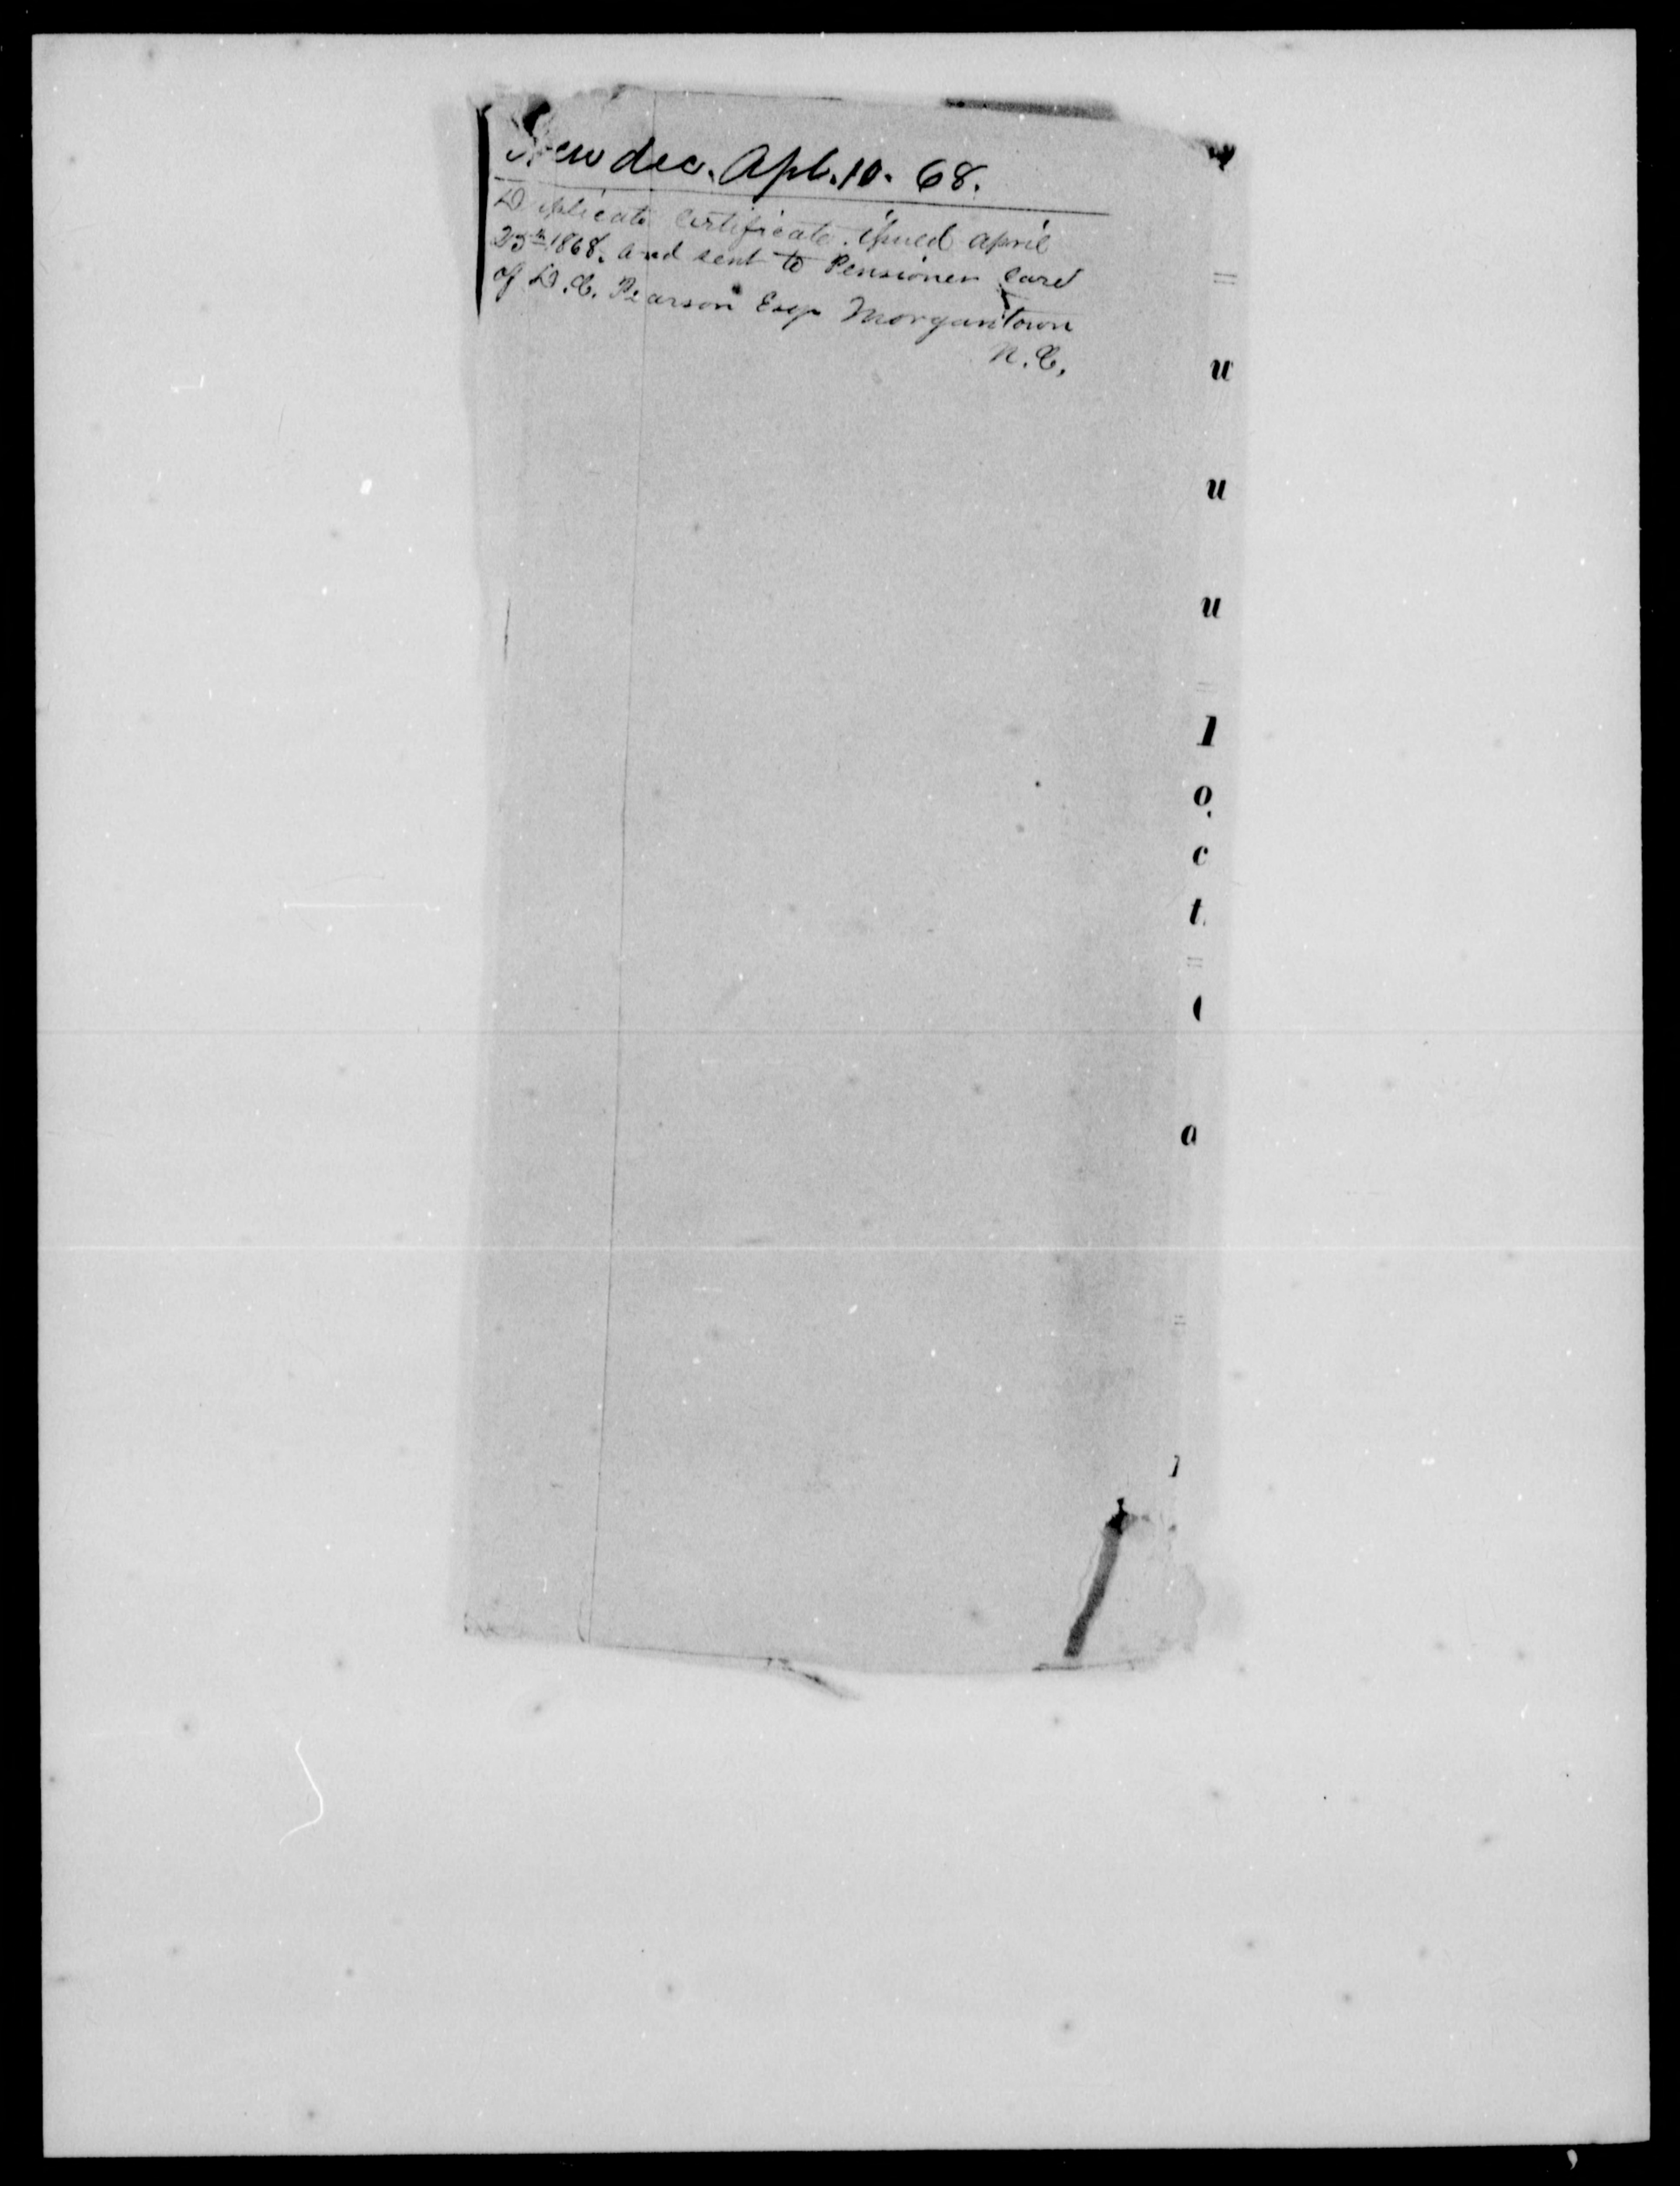New dec. Apl. 10.68.
Duplicate Certificate issued April 25th
1868. and sent to Pensioner care
of D.C. Pearson Esq Morgantown
N.C.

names: D C Pearson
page: 32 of 63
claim: widow's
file: W. 6158, for Benjamin Spencer, North Carolina